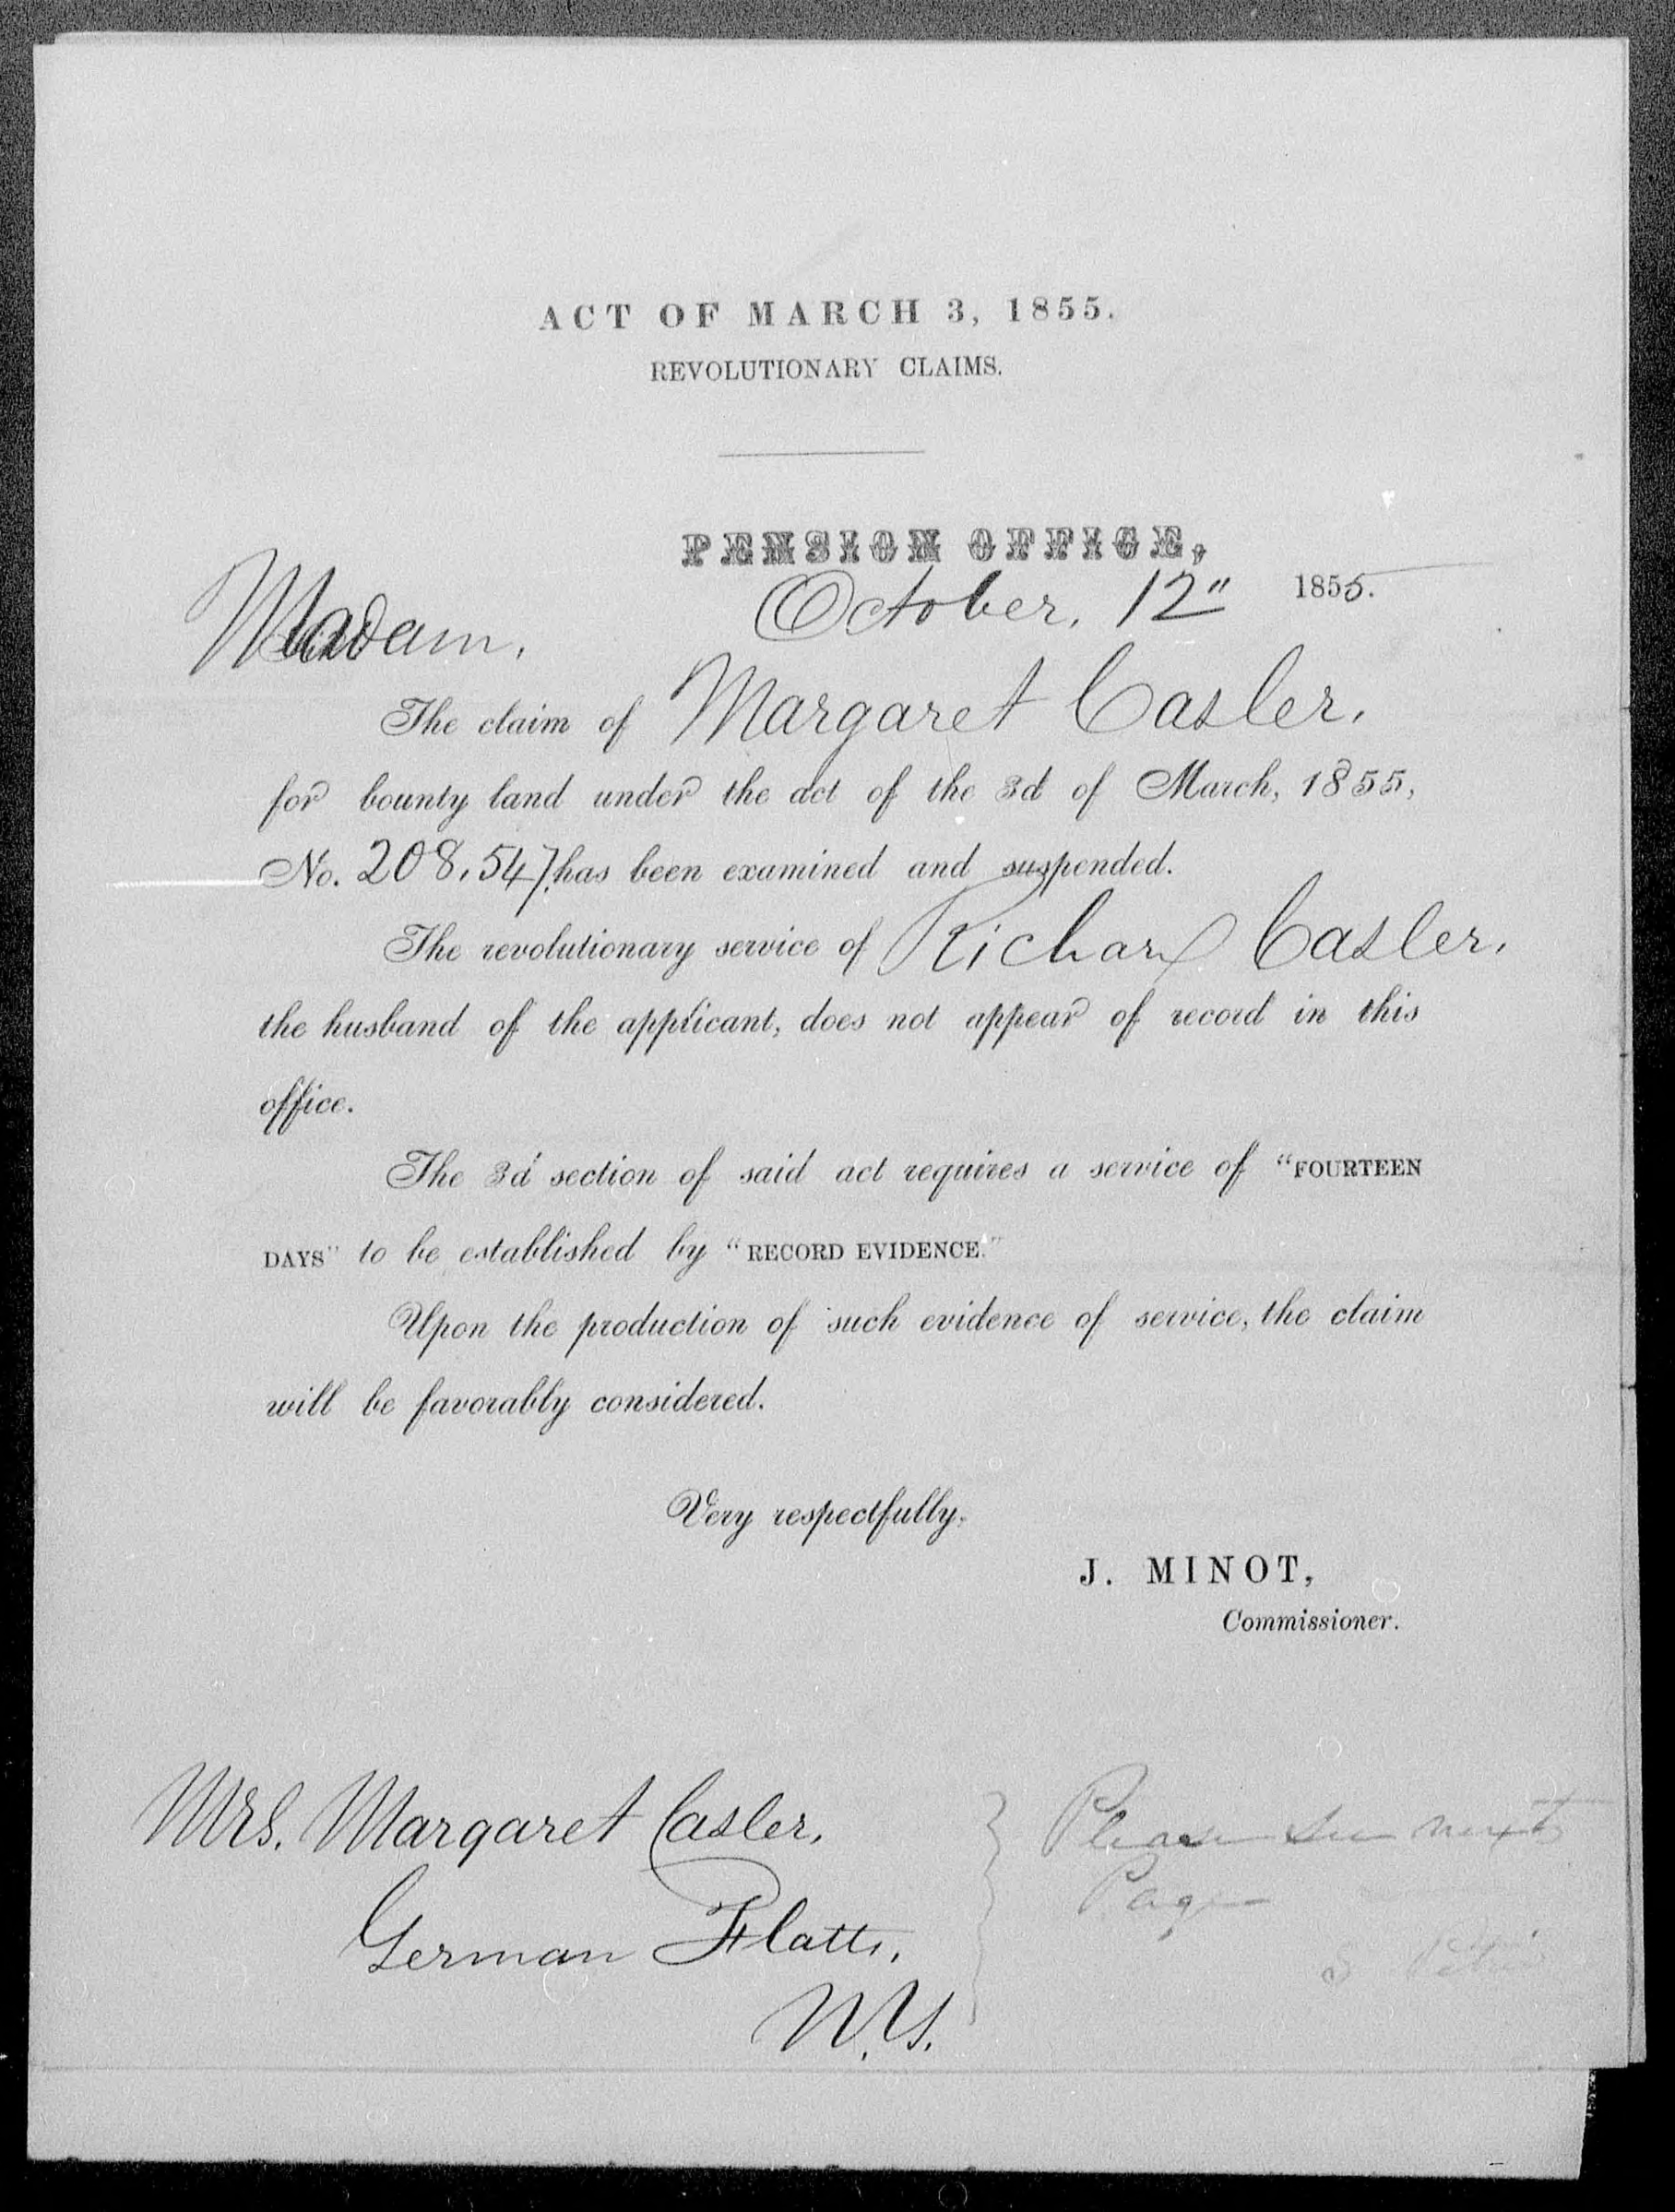ACT OF MARCH 3, 1855. 
REVOLUTIONARY CLAIMS. 
PENSION OFFICE,
October, 12" 1855. 
Madam,
The claim of Margaret Casler, for bounty land under the act of the 3d of March, 1855, No. 208,547 has been examined and suspended. 
The revolutionary service of Richard Casler, the husband of the applicant, does not appear of record in this office. 
The 3d section of said act requires a service of "FOURTEEN DAYS" to be established by "RECORD EVIDENCE.”
Upon the production of such evidence of service, the claim will be favorably considered. 
Very respectfully 
J. MINOT, Commissioner.

Mrs. Margaret Casler, 
German Flatts N.Y. 

Please see next Page 
S Petrie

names: Richard Casler, Margaret Casler, J Minot, S Petrie, Margaret Casler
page: 38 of 66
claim: widow's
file: W. 6637, Richard Caslar, New York